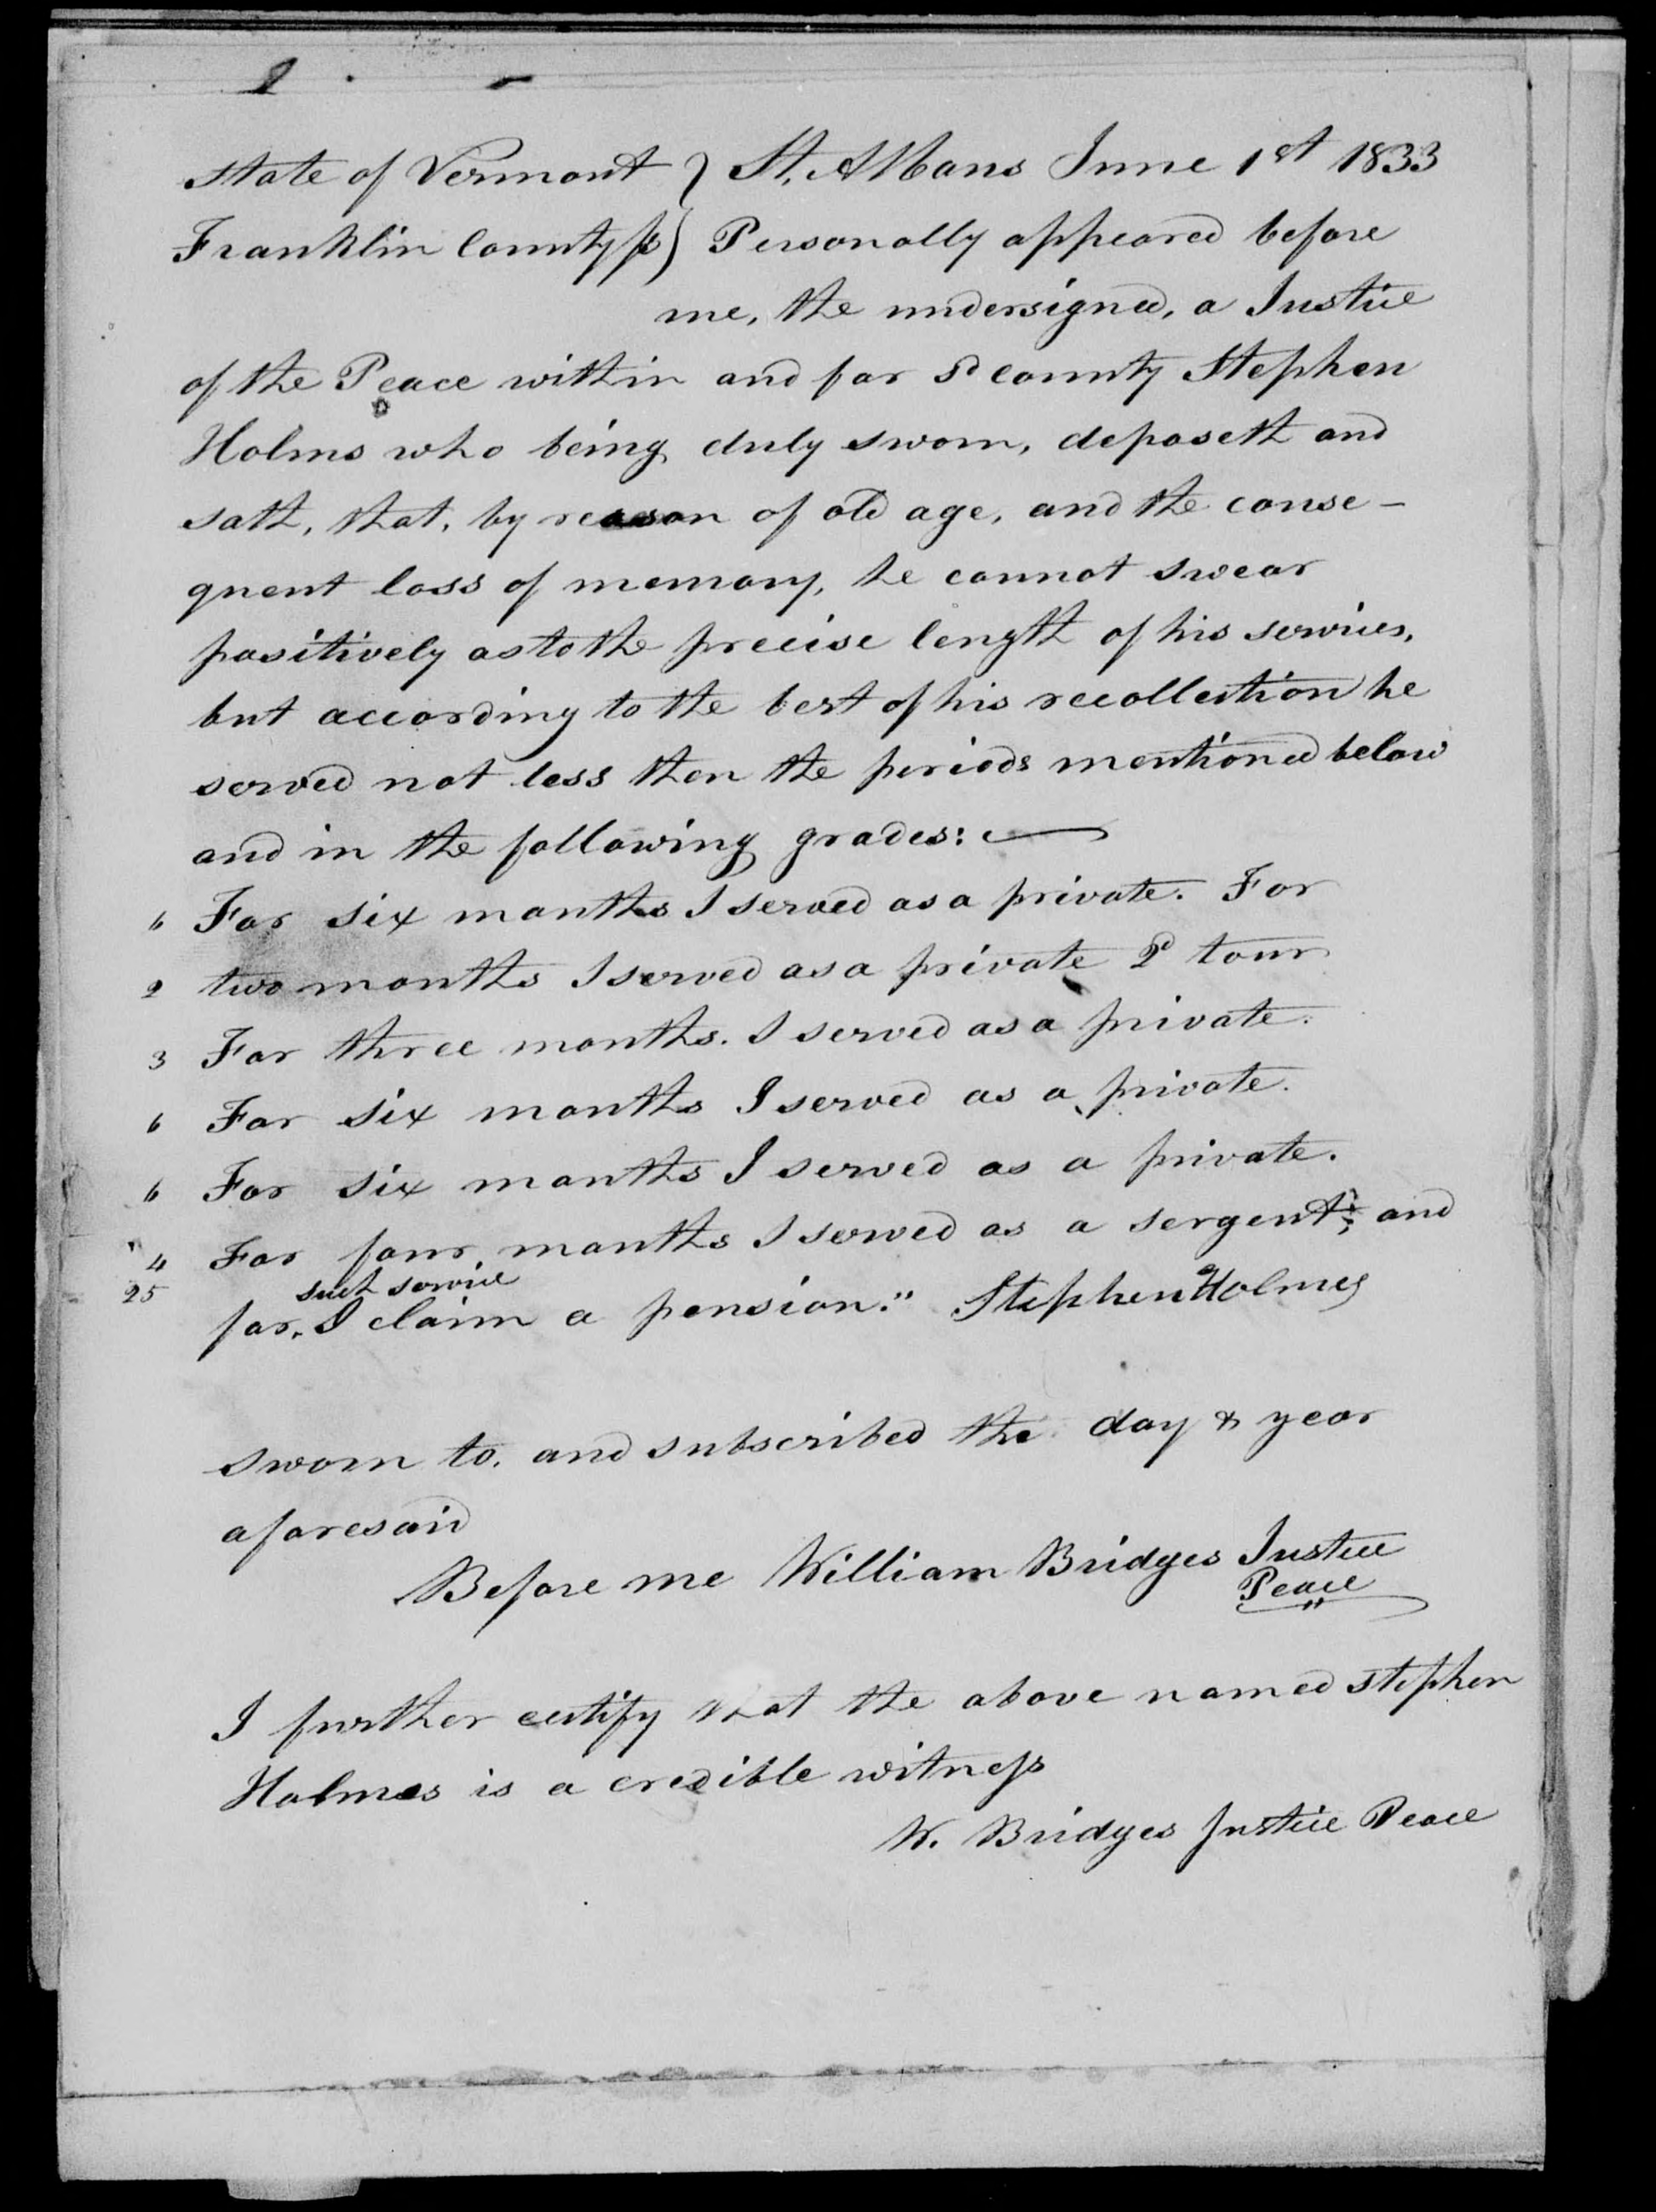State of Vermont
Franklin County ss

St. Albans June 1st 1833
Personally appeared before me, the undersigned, a Justice of the Peace within and for sd county Stephen Holms who being duly sworn, deposeth and sath, that, by reason of old age, and the consequent loss of memory, he cannot swear positively as to the precise length of his services, but according to the best of his recollection he served not less than the periods mentioned below and in the following grades:

6 For six months I served as a private. For
2 two months I served as a private 2d tour
3 For three months, I served as a private.
6 for six months I served as a private.
6 For six months I served as a private.
4 For four months I served as a sergent; and for ^such service I claim a pension.
25

Stephen Holmes

Sworn to, and subscribed the day & year aforesaid

Before me William Bridges Justice Peace

I further certify that the above named Stephen Holmes is a credible witness

W Bridges Justice Peace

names: Stephen Holmes, Stephen Holmes, Stephen Holms, William Bridges, W Bridges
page: 13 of 72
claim: widow's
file: W. 7771, Stephen Holmes, Vt.